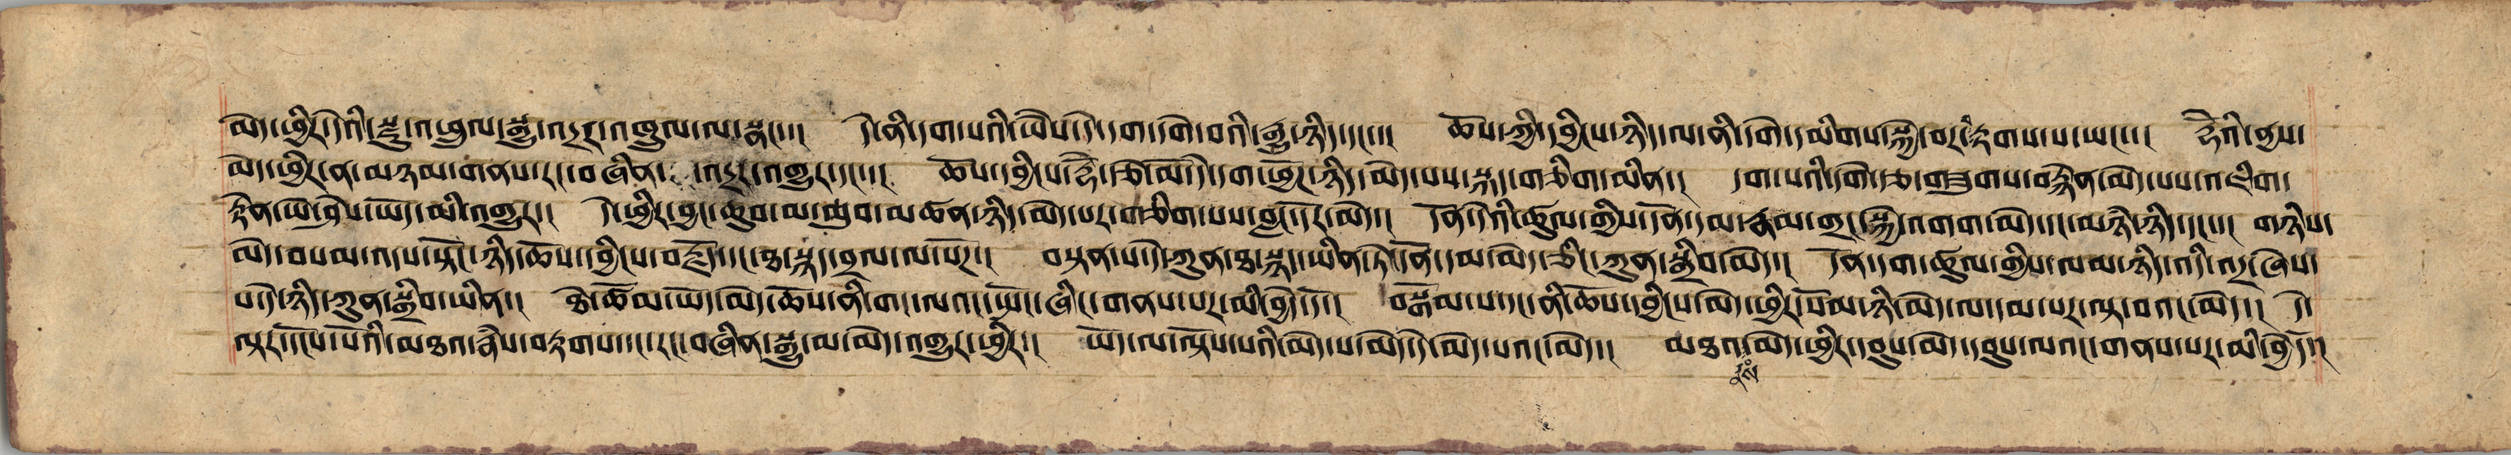མེད་ཕྱིར་དེའི་སྫུ་འཕྲུལ་སྒྱུ་འདྲར་འཁྲུལ་ལ་སྣང་་། དེ་ནི་དག་པའི་ཡཻས་དེ་དག་དགེ་བའི་རྒྱུ་ཉིད་དང་་། ཆོས་ཀྱི་དབྱིངས་ཉིད་ལ་ནི་དགེ་དམིགས་སྐྱེ་བར་བརྟགས་པ་ཡང་་། རྡོེའི་ནྱས་
མེད་ཕྱིར་ན་མཉམ་གནས་རང་བཞིན་འདར་འགྱུར་དང་་། ཆོས་དབྱིངས་རྡོེ་རྩེ་མོ་དེ་དག་ཕྱོཌ་ཉིད་མེད་པས་སྐད་གཅིག་མིན་། དག་པའི་དགེ་རྩ་གཟུགས་བརྙེན་མེད་པས་འཇིག་
རྟེན་ཡེ་ཤེས་ཡོད་མི་འགྱུར་། དེ་ཕྱིར་བྱང་ཆུབ་མ་ཆུབ་མཚན་ཉིད་མེད་པར་གཅིག་པས་བླང་དོར་མེད་། དོན་དེའི་ཚུལ་གྱིས་དོན་དམ་རྣམ་གྲང་སྐྱེ་འགག་མེད་དང་མཉཾ་ཉིད་དང་་། གཉིས་
མེད་བསམ་འདས་སྟོང་ཉིད་ཆོས་དབྱིངས་བརྗོད་དང་ཐ་སྙད་བྲལ་ལ་སོཌ་། བསྟན་པ་དེ་ཀུན་ཐ་སྙད་ཡིན་ཏེ་དོན་དམ་མེད་ཅིང་ཀུན་སྒྲིབ་མེད་། དོན་དག་ཚུལ་གྱིས་ལམ་ཉིད་འདི་འདྲ་ཞེས་
པ་དེ་ཉིད་ཀུན་སྒྲིབ་ཡིན་། ཐེ་ཚོམ་ཡོད་མེད་ཆོས་ནི་གང་ལའང་སྤོང་ཞིང་གནས་པར་མི་བྱེད་དོ་། བསྒོམ་པ་དང་ནི་ཆོས་དབྱིངས་མེད་ཕྱིར་སོམ་ཉི་མེད་ལ་དམ་པར་ལྟ་བའང་མེད་། དེ་
ལྟར་དངོས་པོའི་མཐའ་རྣཾས་བརྟགས་དང་རང་བཞིན་སྒྱུ་མ་མེད་འགྱུར་ཕྱིར་། ཡོད་ལ་ལྟོས་པའི་མེད་པ་མེད་དེ་མེད་པའང་མེད་། མཐའ་ཚཾས་མེད་ཕྱིར་དབུས་མེད་དབུས་ལའང་གནས་པར་མི་བྱེདོ་།